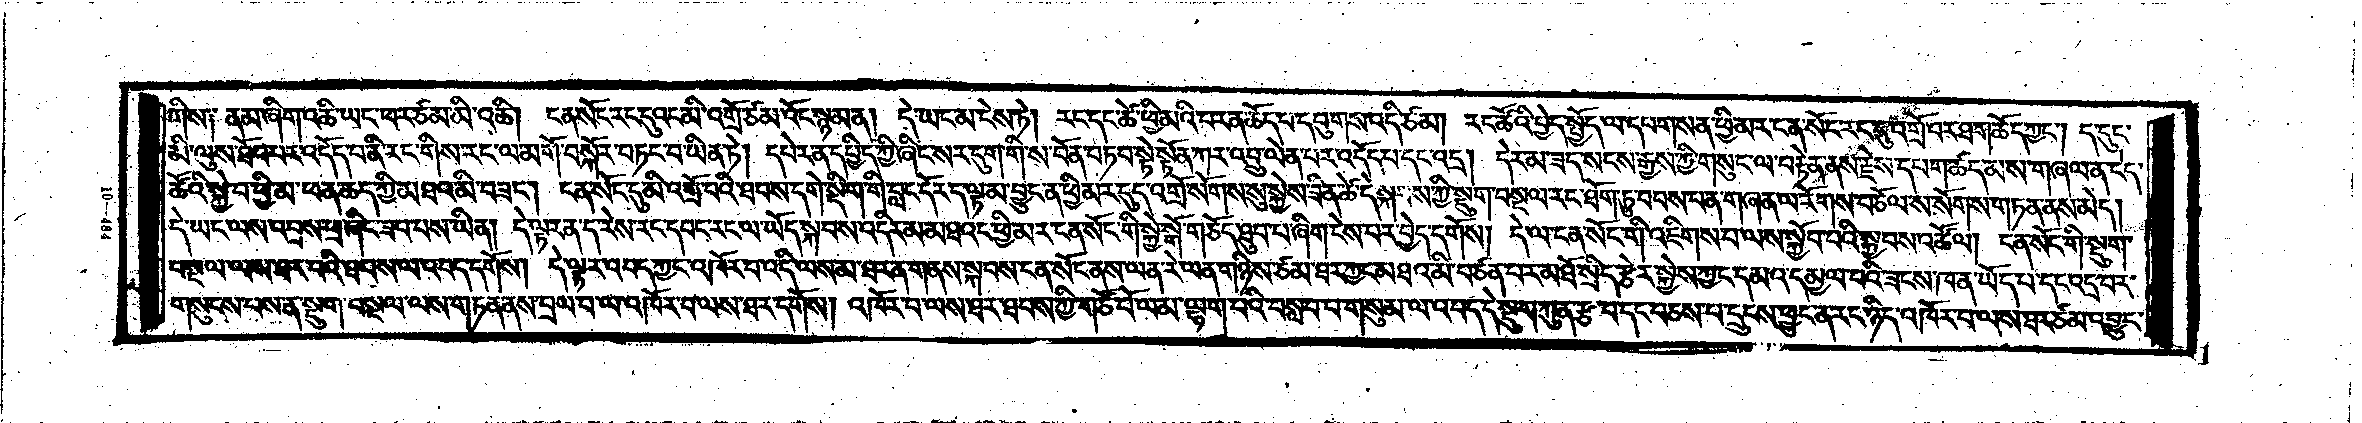གིས༑ ནམ་ཞིག་འཆི་ཡང་ཕར་ཙམ་མི་འཆི། ངན་སོང་རང་དུའང་མི་འགྲོ་ཙམ་འོང་སྙམ་ན། དེ་ཡང་མ་ངེས་ཏེ། རང་དང་ཚེ་ཕྱི་མའི་བར་ན་ཆོད་པ་དབུགས་འདི་ཙམ། རང་ཆོའི་བྱེད་སྤྱོད་ལ་དཔགས་ན་ཕྱི་མར་ངན་སོང་རང་དུ་འགྲོ་བར་ཐག་ཆོད་ཀྱང་། ད་དུང་
མི་ལུས་ཐོབ་པར་འདོད་པ་ནི་རང་གིས་རང་ལ་མགོ་བསྐོར་བཏང་བ་ཡིན་ཏེ། དཔེར་ན་དཔྱིད་ཀྱི་ཞིང་སར་དུག་གི་ས་བོན་བཏབ་སྟེ་སྟོན་ཀར་འབྲུ་ལེན་པར་འདོད་པ་དང་འདྲ། དེར་མ་ཟད་སངས་རྒྱས་ཀྱི་གསུང་ལ་བརྟེན་ནས་རྗེས་དཔག་ཚད་མས་གཞལ་ན་ངེད་
ཚོའི་སྐྱེ་བ་ཕྱི་མ་ཕན་ཆད་ཀྱི་མཐའ་མི་བཟང་། ངན་སོང་དུ་མི་འགྲོ་བའི་ཐབས་དགེ་སྡིག་གི་བླང་དོར་ད་ལྟ་མ་བྱུང་ན་ཕྱི་མར་དུད་འགྲོ་སོགས་སུ་སྐྱེས་ཟིན་ཚེ་དེ་སྐབས་ཀྱི་སྡུག་བསྔལ་རང་ཐོག་ཏུ་བབས་པ་ན་གཞན་ལ་རོགས་བཅོལ་ས་སོགས་གཏན་ནས་མེད།
དེ་ཡང་ལས་འབྲས་ཕྲ་ཞིང་ཟབ་པས་ཡིན། དེ་ལྟར་ན་ད་རེས་རང་དབང་རང་ལ་ཡོད་སྐབས་འདིར་མ་མཐའ་ང་ཕྱི་མར་ངན་སོང་གི་སྐྱེ་སྒོ་གཅོད་ཐུབ་པ་ཞིག་ངེས་པར་བྱེད་དགོས། དེ་ལ་ངན་སོང་གི་འཇིགས་པ་ལས་སྐྱོབ་པའི་སྐྱབས་འཚོལ། ངན་སོང་གི་སྡུག་
བསྔལ་ལས་ཐར་བའི་ཐབས་ལ་འབད་དགོས། དེ་ལྟར་འབད་ཀྱང་འཁོར་བ་འདི་ལས་མ་ཐར་ན་གནས་སྐབས་ངན་སོང་ནས་ལན་རེ་ལན་གཉིས་ཙམ་ཐར་ཀྱང་མཐའ་མེ་བཙན་བར་མཐོ་སྲིད་རྩེར་སྐྱེས་ཀྱང་དམའ་དམྱལ་བའི་ཟངས་ཁ་ན་ཡོད་པ་དང་འདྲ་བར་
གསུངས་པས་ན་སྡུག་བསྔལ་ལས་གཏན་ནས་བྲལ་བ་ལ་འཁོར་བ་ལས་ཐར་དགོས། འཁོར་བ་ལས་ཐར་ཐབས་ཀྱི་གཙོ་བོ་ལམ་ལྷག་པའི་བསླབ་པ་གསུམ་ལ་འབད་དེ་སྡུག་ཀུན་རྩ་བ་དང་བཅས་པ་དྲུངས་ཕྱུང་ན་རང་ཉིད་འཁོར་བ་ལས་ཐར་ཙམ་འབྱུང་